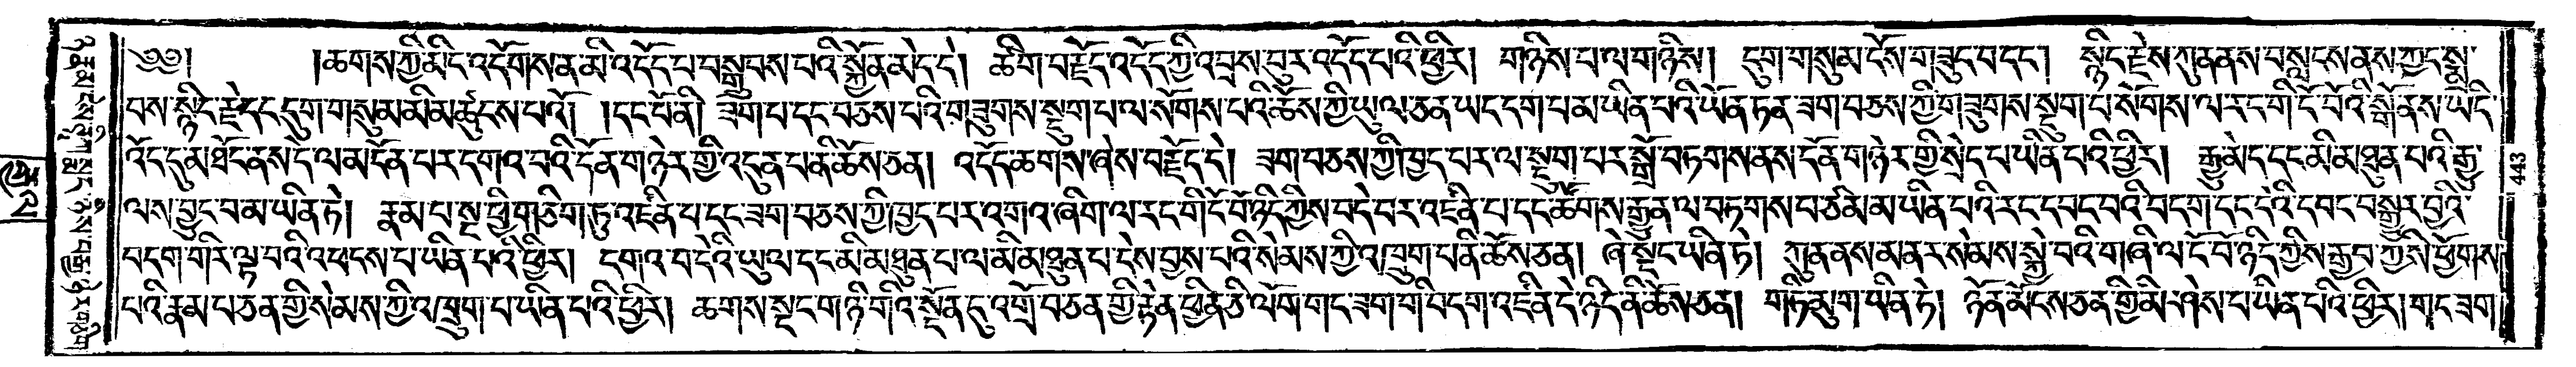༄༅། །ཆགས་ཀྱི་མིང་འདོགས་ན་མི་འདོད་པ་བསྒྲུབས་པའི་སྐྱོན་མེད་དེ། ཚིག་བརྗོད་འདོད་ཀྱི་འབྲས་བུར་འདོད་པའི་ཕྱིར། གཉིས་པ་ལ་གཉིས། དུག་གསུམ་ངོས་གཟུང་བ་དང་། སྙིང་རྗེས་ཀུན་ནས་བསླངས་ནས་ཀྱང་སྨྲ་
བས་སྙིང་རྗེ་དང་དུག་གསུམ་མི་མཚུངས་པའོ། །དང་པོ་ནི། ཟག་པ་དང་བཅས་པའི་གཟུགས་སྡུག་པ་ལ་སོགས་པའི་ཆོས་ཀྱི་ཡུལ་ཅན་ཡང་དག་པ་མ་ཡིན་པའི་ཡོན་ཏན་ཟག་བཅས་ཀྱི་གཟུགས་སྡུག་པ་སོགས་ལ་རང་གི་ངོ་བོའི་སྒོ་ནས་ཡིད་
འོང་དུ་མཐོང་ནས་དེ་ལ་མངོན་པར་དགའ་བའི་དོན་གཉེར་གྱི་འདུན་པ་ནི་ཆོས་ཅན། འདོད་ཆགས་ཞེས་བརྗོད་དེ། ཟག་བཅས་ཀྱི་ཁྱད་པར་ལ་སྡུག་པར་སྒྲོ་བཏགས་ནས་དོན་གཉེར་གྱི་སྲེད་པ་ཡིན་པའི་ཕྱིར། རྒྱུ་མེད་དང་མི་མཐུན་པའི་རྒྱུ་
ལས་བྱུང་བ་མ་ཡིན་ཏེ། རྣམ་པ་སྔ་ཕྱི་གཅིག་ཏུ་འཛིན་པ་དང་ཟག་བཅས་ཀྱི་ཁྱད་པར་འགའ་ཞིག་ལ་རང་གི་ངོ་བོ་ཉིད་ཀྱིས་བདེ་བར་འཛིན་པ་དང་ཚོགས་རྒྱུན་ལ་བཏགས་པ་ཙམ་མ་ཡིན་པའི་རང་དབང་བའི་བདག་དང་དེའི་དབང་བསྒྱུར་བྱའི་
བདག་གིར་ལྟ་བའི་འཕངས་པ་ཡིན་པའི་ཕྱིར། དགའ་བ་དེའི་ཡུལ་དང་མི་མཐུན་པ་ལ་མི་མཐུན་པ་དེས་བྱས་པའི་སེམས་ཀྱི་འཁྲུག་པ་ནི་ཆོས་ཅན། ཞེ་སྡང་ཡིན་ཏེ། ཀུན་ནས་མནར་སེམས་སྐྱེ་བའི་གཞི་ལ་ངོ་བོ་ཉིད་ཀྱིས་རྒྱབ་ཀྱིས་ཕྱོགས་
པའི་རྣམ་པ་ཅན་གྱི་སེམས་ཀྱི་འཁྲུག་པ་ཡིན་པའི་ཕྱིར། ཆགས་སྡང་གཉི་གའི་སྔོན་དུ་འགྲོ་བ་ཅན་གྱི་རྟེན་ཕྱིན་ཅི་ལོག་གང་ཟག་གི་བདག་འཛིན་དེ་ཉིད་ནི་ཆོས་ཅན། གཏི་མུག་ཡིན་ཏེ། ཉོན་མོངས་ཅན་གྱི་མི་ཤེས་པ་ཡིན་པའི་ཕྱིར། གང་ཟག་